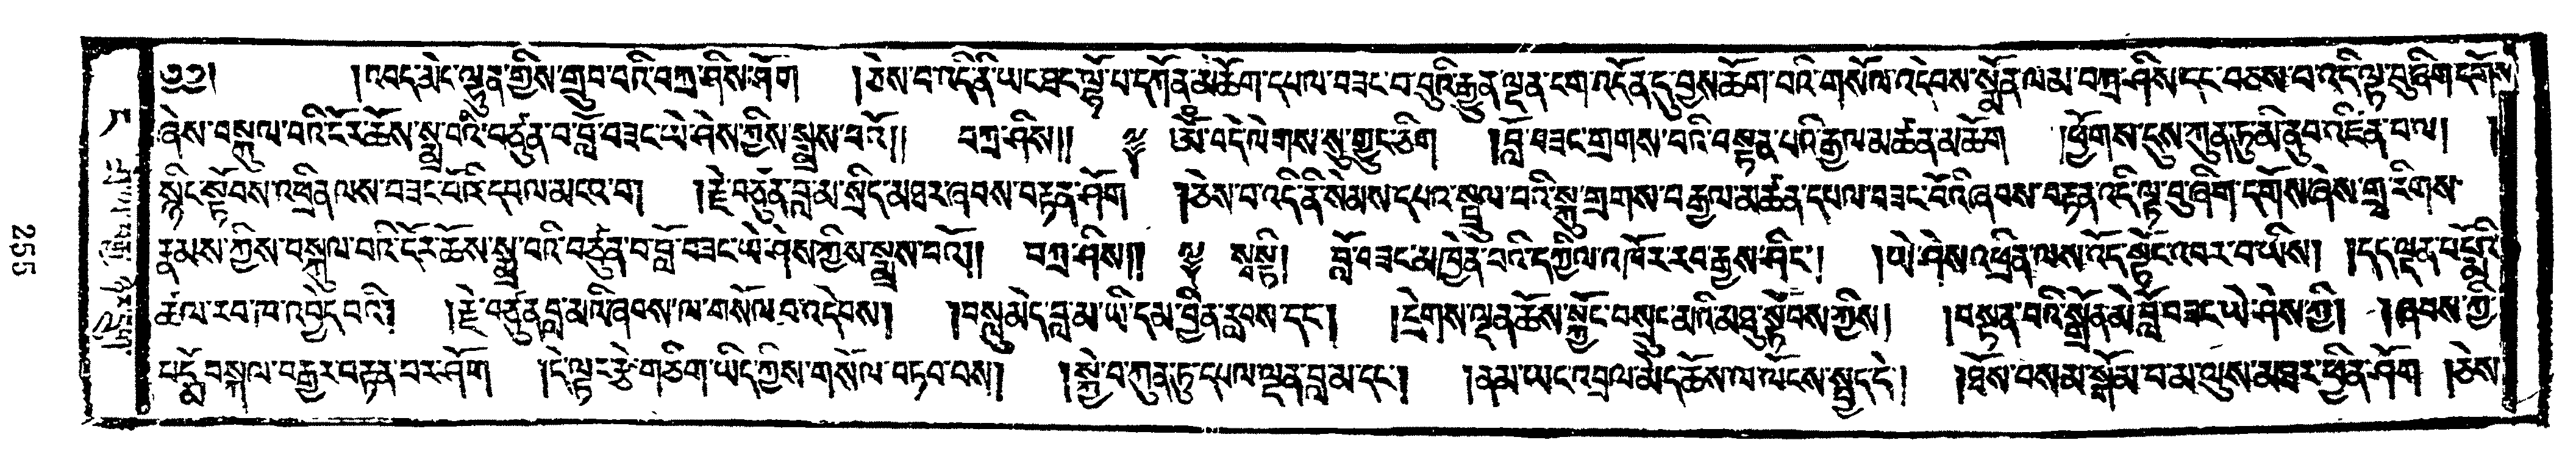༄༅། །འབད་མེད་ལྷུན་གྱིས་གྲུབ་བའི་བཀྲ་ཤིས་ཤོག །ཅེས་བ་འདི་ནི་ཡང་ཐང་ལྷོ་པ་དཀོན་མཆོག་དཔལ་བཟང་བ་བུའི་རྒྱུན་ལྡན་ངག་འདོན་དུ་བྱས་ཆོག་བའི་གསོལ་འདེབས་སྨོན་ལམ་བཀྲ་ཤིས་དང་བཅས་པ་འདི་ལྟ་བུ་ཞིག་དགོས་
ཞེས་བསྐུལ་བའི་ངོར་ཆོས་སྨྲ་བའི་བཙུན་བ་བློ་བཟང་ཡེ་ཤེས་ཀྱིས་སྨྲས་བའོ།། བཀྲ་ཤིས།། ༈ ཨོཾ་བདེ་ལེགས་སུ་གྱུང་ཅིག །བློ་བཟང་གྲགས་བའི་བསྟན་པའི་རྒྱལ་མཚན་མཆོག །ཕྱོགས་དུས་ཀུན་ཏུ་མི་ནུབ་འཛིན་པ་ལ། །
སྙིང་སྟོབས་འཕྲིན་ལས་བཟང་པོའི་དཔལ་མངའ་བ། །རྗེ་བཙུན་བླ་མ་སྲིད་མཐར་ཞབས་བརྟན་ཤོག །ཅེས་བ་འདི་ནི་སེམས་དཔའ་སྤྲུལ་བའི་སྐུ་གྲགས་པ་རྒྱལ་མཚན་དཔལ་བཟང་པོའི་ཞབས་བརྟན་འདི་ལྟ་བུ་ཞིག་དགོས་ཞེས་གྲྭ་རིགས་
རྣམས་ཀྱིས་བསྐུལ་བའི་དོར་ཆོས་སྨྲ་བའི་བཙུན་བ་བློ་བཟང་ཡེ་ཤེས་ཀྱིས་སྨྲས་བའོ།། བཀྲ་ཤིས།། ༈ སྭསྟི། བློ་བཟང་མཁྱེན་པའི་དཀྱིལ་འཁོར་རབ་རྒྱས་ཤིང་། །ཡེ་ཤེས་འཕྲིན་ལས་འོད་སྟོང་འབར་བ་ཡིས། །དད་ལྡན་པདམོའི་
ཚལ་རབ་ཁ་འབྱེད་བའི། །རྗེ་བཙུན་བླ་མའི་ཞབས་ལ་གསོལ་བ་འདེབས། །བསླུ་མེད་བླ་མ་ཡི་དམ་བྱིན་རླབས་དང་། །དྲེགས་ལྡན་ཆོས་སྐྱོང་བསྲུང་མའི་མཐུ་སྟོབས་ཀྱིས། །བསྟན་བའི་སྒྲོན་མེ་བློ་བཟང་ཡེ་ཤེས་ཀྱི། །ཞབས་ཀྱི་
པདམོ་བསྐལ་བརྒྱར་བརྟན་པར་ཤོག །དེ་ལྟར་རྩེ་གཅིག་ཡིད་ཀྱིས་གསོལ་བཏབ་བས། །སྐྱེ་བ་ཀུན་ཏུ་དཔལ་ལྡན་བླ་མ་དང་། །ནམ་ཡང་འབྲལ་མེད་ཆོས་ལ་ལོངས་སྤྱད་དེ། །ཐོས་བསམ་སྒོམ་པ་མ་ལུས་མཐར་ཕྱིན་ཤོག །ཅེས་